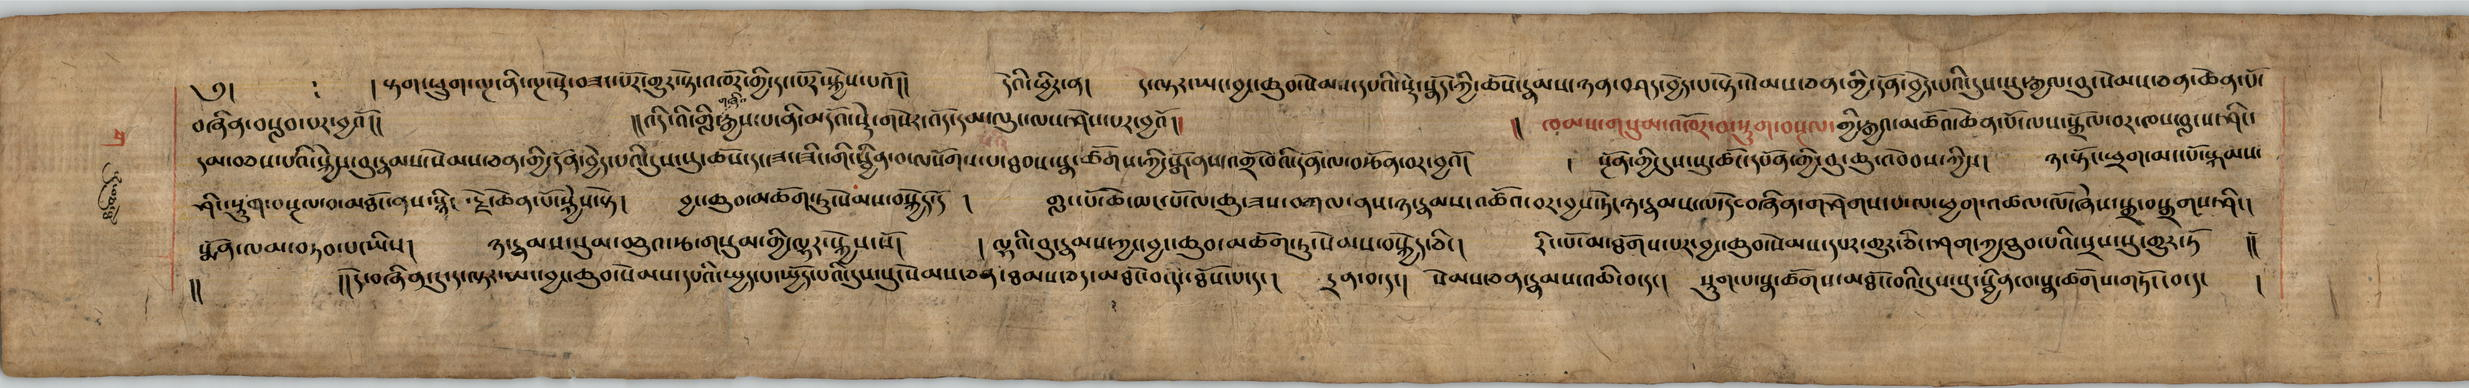༅། །སྟག་ཕྲུག་ལྔ་ནི་ལྔ་ལྔ་སྟེ་བཟང་པོར་གྱུར་སྟེ་འཁོར་གྱི་དང་པོར་སྐྱེས་པའོ།། དེའི་ཕྱིར་ན། ད་ལྟར་ཡང་བྱང་ཆུབ་སེམས་དཔའི་སྡེ་སྣོད་ཀྱི་ཆོས་རྣམས་ཉན་བཤད་བྱེད་པ་སྟེ་སེམས་ཅན་གྱི་དོན་བྱེད་པའི་དུས་སུ་རྒྱལ་བུ་སེམས་ཅན་ཆེན་པོ་
བཞིན་བསླབ་པར་བྱའོ།། །།འདི་འི་གླི་རྒྱས་པ་ནི་མདོའ་སྡེ་གསེར་འོད་དམ་ལུང་ལས་ཤེས་པར་བྱའོ།། །། ཁམས་གསུམ་འཁོར་བ་སྡུག་བསྔལ་གྱི་རྒྱའ་མཚོའ་ཆེན་པོ་ལས་སྒྲོལ་བར་ཁས་བླངས་ཤིང་
དམ་བཅས་པའི་སྐྱེས་བུ་རྣམས་སེམས་ཅན་གྱི་དོན་བྱེད་པའི་དུས་སུ་ཆོས་དང་ཟང་ཟིང་གི་སྦྱིན་བ་ལསོགས་པ་ཐབས་སྣ་ཚོགས་ཀྱི་སྒོ་ནས་འགྲོ་བའི་དོན་ལ་བརྩོན་བར་བྱའོ། ། སྔོན་གྱི་དུས་སུ་ཚོང་དཔོན་གྱི་བུ་ཆུ་འབེབས་ཀྱིས། ཉ་སྟོང་ཕྲག་མང་པོ་སྐམས་
ཤིང་སྡུག་བསྔལ་བ་མཐོང་ནས་སྙིང་རྗེ་ཆེན་པོ་སྐྱེས་སྟེ། བྱང་ཆུབ་མཆོག་ཏུ་སེམས་བསྐྱེད་དོ ། གླང་པོ་ཆེ་མང་པོ་ལ་ཆུ་ཟས་བཀལ་ནས་ཉ་རྣམས་འཚོའ་བར་བྱས་ཏེ་ཉ་རྣམས་ལ་དེ་བཞིན་གཤེགས་པ་ལ་ཕྱག་འཚལ་པོ་ཞེས་སྒྲ་བསྒྲགས་ཤིང།
སྨོན་ལམ་བཏབ་པ་ཡིས། ཉ་རྣམས་སུམ་བཅུའ་རྩ་གསུམ་གྱི་ལྷར་སྐྱེས་སོ། ། ལྷའི་བུ་རྣམས་ཀྱང་བྱང་ཆུབ་མཆོག་ཏུ་སེམས་བསྐྱེད་ཅིང། རིང་པོ་མ་ཐོགས་པར་བྱང་ཆུབ་སེམས་དཔར་གྱུར་ཅིང་ཤག་ཀྱ་ཐུབ་པའི་སྲས་སུ་གྱུར་ཏོ
།།དེ་བཞིན་དུ་ད་ལྟར་ཡང་བྱང་ཆུབ་སེམས་དཔའི་སྤྱད་པ་སྤྱོད་པའི་དུས་སུ་སེམས་ཅན་ཐམས་ཅད་མཐོང་བ་དང་ཐོས་པ་དང། དྲན་བ་དང། སེམས་ཅན་རྣམས་འཆི་བ་དང། སྡུག་པ་སྣ་ཚོགས་མཐོང་བའི་དུས་སུ་སྦྱིན་བ་སྣ་ཚོགས་གཏོང་བ་དང